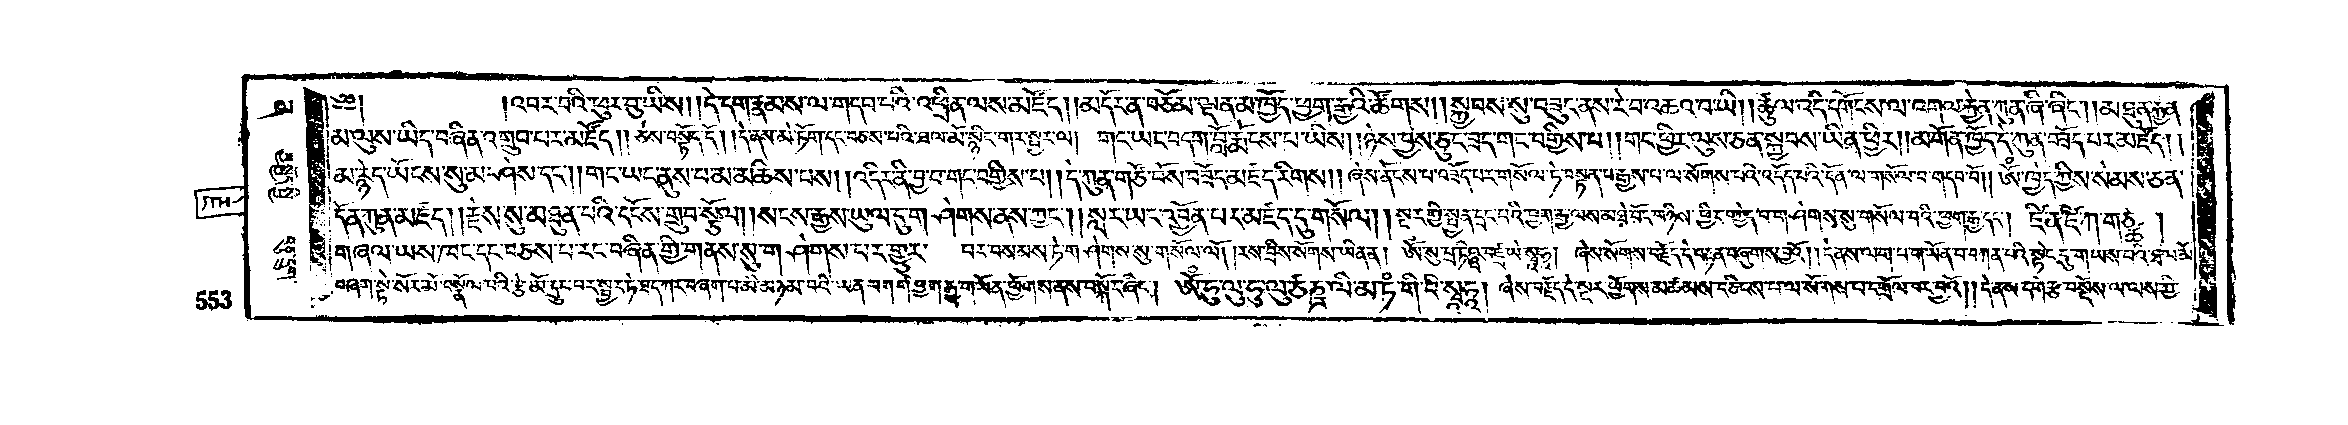༄༅། །འབར་བའི་ཕུར་བུ་ཡིས། །དེ་དག་རྣམས་ལ་གདབ་པའི་འཕྲིན་ལས་མཛོད། །མདོར་ན་བཅོམ་ལྡན་མ་ཁྱོད་ཕྱག་རྒྱའི་ཚོགས། །སྐྱབས་སུ་བཟུང་ནས་རེ་བ་འཆའ་བ་ཡི། །ཚུལ་འདི་དགོངས་ལ་འགལ་རྐྱེན་ཀུན་ཞི་ཞིང་། །མཐུན་རྐྱེན་
མ་ལུས་ཡིད་བཞིན་འགྲུབ་པར་མཛོད། ། ཅེས་བསྟོད་དོ། །དེ་ནས་མེ་ཏོག་དང་བཅས་པའི་ཐལ་མོ་སྙིང་གར་སྦྱར་ལ། གང་ཡང་བདག་བློ་རྨོངས་པ་ཡིས། །ཉེས་བྱས་ཅུང་ཟད་གང་བགྱིས་པ། །གང་ཕྱིར་ལུས་ཅན་སྐྱབས་ཡིན་ཕྱིར། །མགོན་ཁྱོད་དེ་ཀུན་བཟོད་པར་མཛོད། །
མ་རྙེད་ཡོངས་སུ་མ་ཤེས་དང་། །གང་ཡང་ནུས་པ་མ་མཆིས་པས། །འདིར་ནི་བྱ་བ་གང་བགྱིས་པ། །དེ་ཀུན་གཙོ་བོས་བཟོད་མཛད་རིགས། ། ཞེས་ནོངས་པ་བཟོད་པར་གསོལ་ཏེ་བསྟན་པ་རྒྱས་པ་ལ་སོགས་པའི་འདོད་པའི་དོན་ལ་གསོལ་བ་གདབ་པོ། །ཨོཾ་ཁྱེད་ཀྱིས་སེམས་ཅན་
དོན་ཀུན་མཛད། །རྗེས་སུ་མཐུན་པའི་དངོས་གྲུབ་སྩོལ། །སངས་རྒྱས་ཡུལ་དུ་གཤེགས་ནས་ཀྱང་། །སླར་ཡང་འབྱོན་པར་མཛད་དུ་གསོལ། ། སྔར་གྱི་སྤྱན་དྲང་པའི་ཕྱག་རྒྱ་ལས་མཐེ་བོང་གཉིས་ཕྱིར་བཀྱེད་པ་གཤེགས་སུ་གསོལ་བའི་ཕྱག་རྒྱ་དང། ཛི་ན་ཛི་ཀ་གཙྪ།
གཞལ་ཡས་ཁང་དང་བཅས་པ་རང་བཞིན་གྱི་གནས་སུ་གཤེགས་པར་གྱུར། པར་བསམས་ཏེ་གཤེགས་སུ་གསོལ་ལོ། །རས་བྲིས་སོགས་ཡིན་ན། ཨོཾ་སུ་པྲ་ཏིཥཊཿཨཱ་བཛྲ་ཡེ་སྭཱཧཱ། ཞེས་སོགས་བརྗོད་དེ་བརྟན་བཞུགས་བྱའོ། །དེ་ནས་ལག་པ་གཡོན་པ་བཀན་པའི་སྟེང་དུ་གཡས་པའི་ཐལ་མོ་
བཞག་སྟེ་སོར་མོ་བསྣོལ་པའི་རྩེ་མོ་དྲུང་པར་སྦྱར་ཏེ་ཐད་ཀར་བཞག་པ་མི་མཉམ་པའི་ཡན་ལག་གི་ཕྱག་རྒྱ་གཡོན་ཕྱོགས་ནས་བསྐོར་ཞིང་། ཨོཾ་ཧུ་ལུ་ཧུ་ལུ་ཙཎྜ་ལི་མ་ཏཾ་གི་བི་སྭཱཧཱ། ཞེས་བརྗོད་དེ་སྔར་ཕྱོགས་མཚམས་བཅིངས་པ་ལ་སོགས་པ་དགྲོལ་བར་བྱའོ། །དེ་ནས་དགེ་རྩ་བསྔོས་ལ་ལས་ཀྱི་